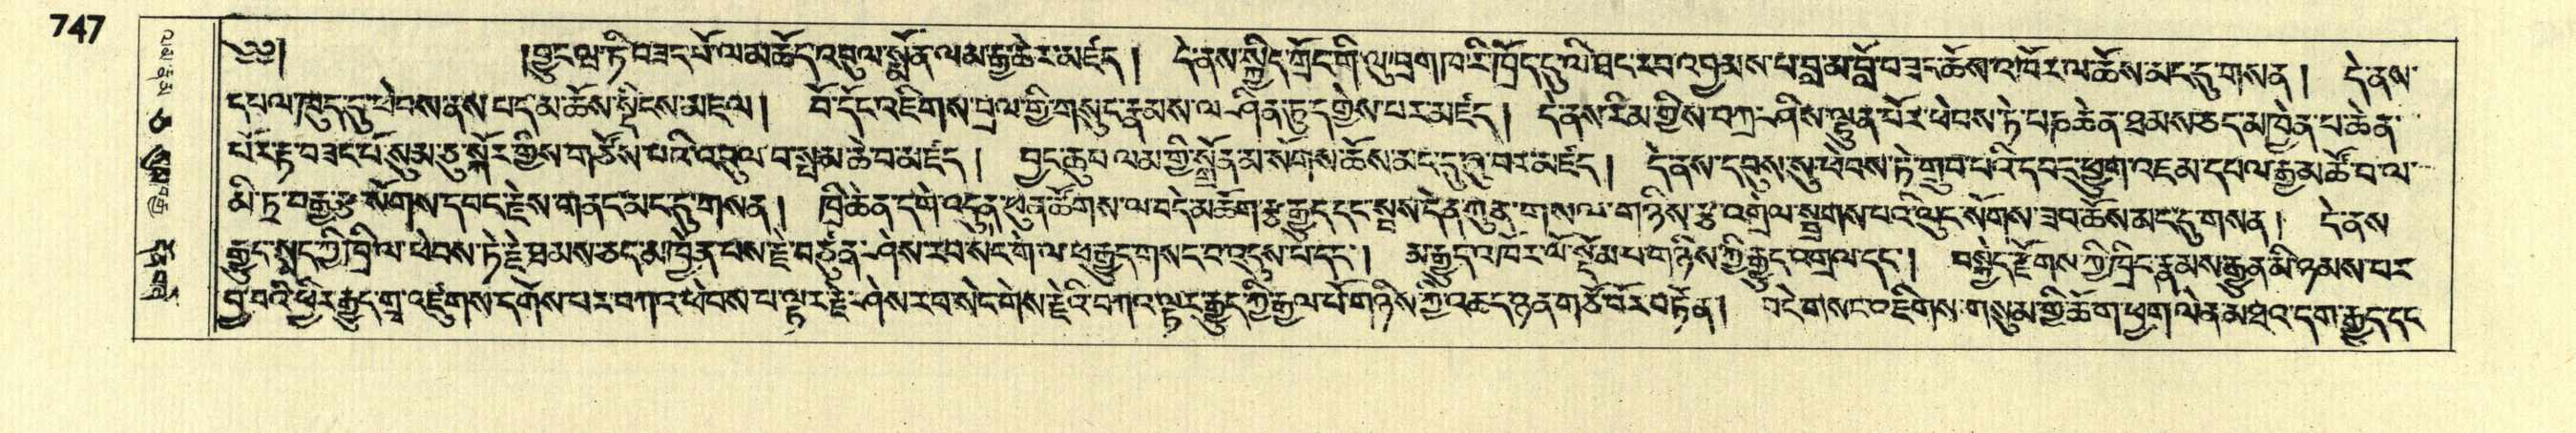༄༅། །བྱུང་ཝ་ཏི་བཟང་པོ་ལ་མཆོད་འབུལ་སྨོན་ལམ་རྒྱ་ཆེར་མཛད། དེ་ནས་སྐྱིད་གྲོང་གི་ལུ་བྲག་ཁ་རི་ཁྲོད་དུ་ལི་ཐང་རབ་འབྱམས་པ་བླ་མ་བློ་བཟང་ཆོས་འཁོར་ལ་ཆོས་མང་དུ་གསན། དེ་ནས་
དཔལ་ཁུད་དུ་ཕེབས་ནས་པད་མ་ཆོས་སྡིངས་མཇལ། བོ་དོང་འཇིགས་བྲལ་གྱི་གསུང་རྣམས་ལ་ཤིན་ཏུ་དགྱེས་པར་མཛད། དེ་ནས་རིམ་གྱིས་བསྐྲ་ཤིས་ལྷུན་པོར་ཕེབས་ཏེ་པཎ་ཆེན་ཐམས་ཅད་མཁྱེན་པ་ཆེན་
པོར་རྟ་བཟང་པོ་སུམ་ཅུ་སྐོར་གྱིས་གཙོས་པའི་འབུལ་བ་སྤམ་ཆེ་བ་མཛད། བྱང་ཆུབ་ལམ་གྱི་སྒྲོན་མ་སོགས་ཆོས་མང་དུ་ཞུ་བར་མཛད། དེ་ནས་དབུས་སུ་ཕེབས་ཏེ་གྲུབ་པའི་དབང་ཕྱུག་འཇམ་དཔལ་རྒྱ་མཚོ་བ་ལ་
མི་ཏྲ་བརྒྱ་རྩ་སོགས་དབང་རྗེས་གནང་མང་དུ་གསན། ཁྲི་ཆེན་དགེ་འདུན་ཕུན་ཚོགས་ལ་བདེ་མཆོག་རྩ་རྒྱུད་དང་སྦས་དོན་ཀུན་གསལ་གཉིས་རྩ་འགྲེལ་སྦྲགས་བའི་ལུང་སོགས་ཟབ་ཆོས་མང་དུ་གསན། དེ་ནས་
རྒྱུད་སྨད་ཀྱི་ཁྲིལ་ཕེབས་ཏེ་རྗེ་ཐམས་ཅད་མཁྱེན་པས་རྗེ་བཙུན་ཤེས་རབ་སེང་གེ་ལ་ཕ་རྒྱུད་གསང་བ་འདུས་པ་དང་། མ་རྒྱུད་འཁོར་ལོ་སྡོམ་པ་གཉིས་ཀྱི་རྒྱུད་འགྲལ་དང་། བསྐྱེད་རྫོགས་ཀྱི་ཁྲིད་རྣམས་རྒྱུན་མི་ཉམས་པར་
བྱ་བའི་ཕྱིར་རྒྱུད་གྲྭ་འཛུགས་དགོས་པར་བཀའ་ཕེབས་པ་ལྟར་རྗེ་ཤེས་རབ་སེང་གེས་རྗེའི་བཀའ་ལྟར་རྒྱུད་ཀྱི་རྒྱལ་པོ་གཉིས་ཀྱི་འཆད་ཉན་གཙོ་བོར་བཏོན། བདེ་གསང་འཇིགས་གསུམ་གྱི་ཆོ་ག་ཕྱག་ལེན་མཐའ་དག་རྒྱུད་དང་